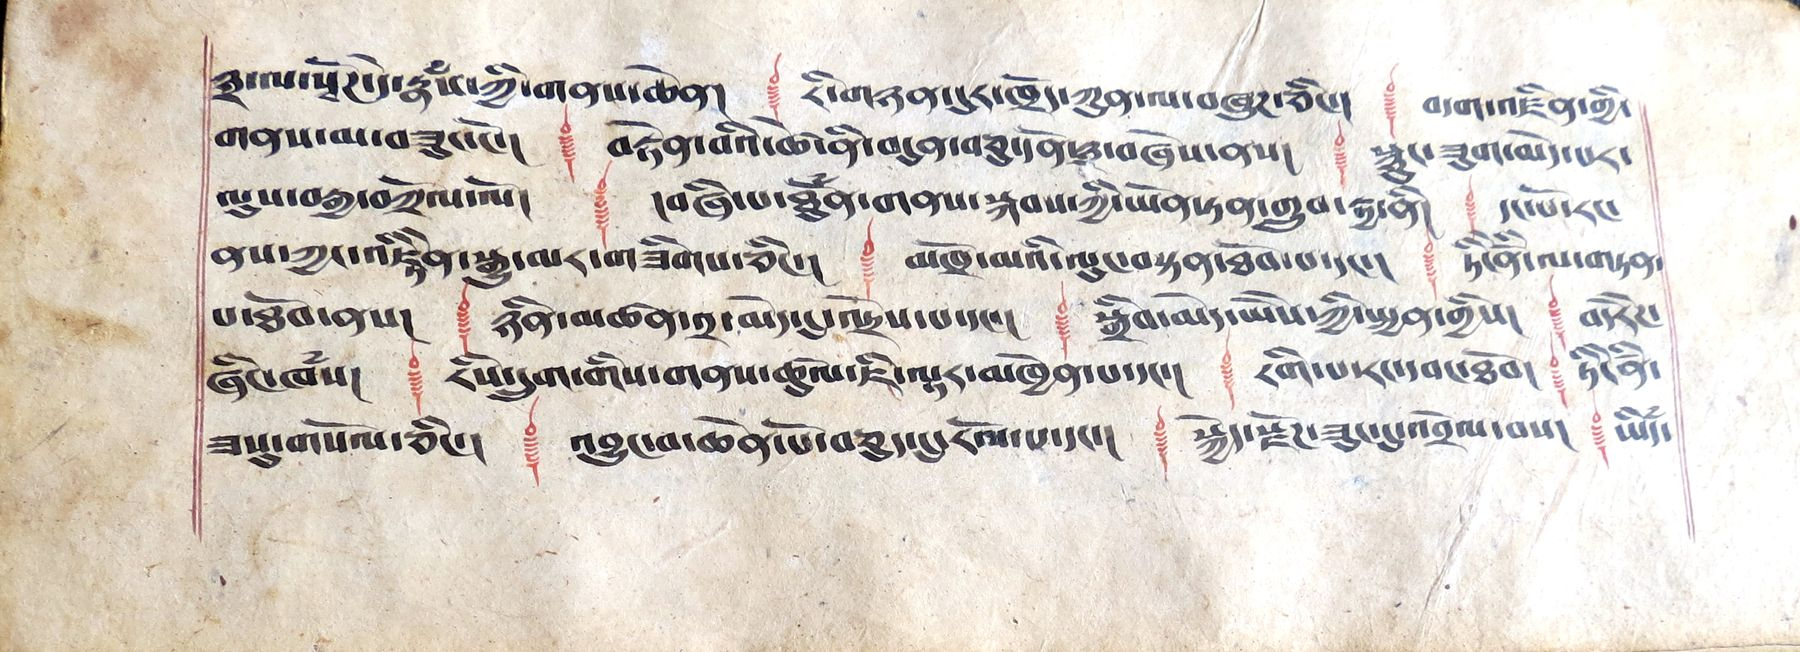གསུམ་ལས་སོགས་ཏེ། དེ་རྣམས་ཀྱི་གནས་ཆེན་རི་གཉན་དུར་ཁྲོད་ཀུན་ལ་བཞུགས་ཤིང་། བདག་འཛིན་གྱི་
གནས་མ་བཟུང་ངོ་། ། བརྟེན་པའི་ཚེ་ནི་བདུན་ཅུ་དོན་གསུམ་བཞེས་ནས། བསྙུང་ཟུག་མེད་པར་
ལུས་རྒྱ་གྲོལ་ལོ། ། བཞི་པ་ཐུན་མོང་དང་གནས་སྐབས་ཀྱི་ཡོན་ཏན་གྲུབ་རྟགས་ནི། དང་པོ་རང་
ནས་ཀྱང་འཇིག་རྟེན་སྒྱུ་མར་གཟིགས་ཤིང་མཁའ་འགྲོའི་ལུང་བསྟན་ཐོབ་པ་དང་། ཏིང་ངེ་འཛིན་ལ་གཏན་
པ་ཐོབ་ནས་ཉིན་མཚན་གཉིས་མེད་དུ་འདྲེས་པ་དང་། སྒྲིབ་མེད་ཡེ་ཤེས་ཀྱི་སྤྱན་གྱིས་བདེར་གཤེགས་
ཞིང་ཁམས་རིགས་དྲུག་གནས་ཚུལ་ཅི་ལྟར་མཁྱེན་པ་དང་། རིག་པ་རང་དབང་ཐོབ། ཏིང་འཛིན་
ཟས་སུ་གསོལ་ཅིང་འབྱུང་བ་ཆེན་པོ་བཅུད་དུ་རོལ་པ་དང་། བསྐྱེད་རྫོགས་ཟུང་འབྲེལ་པས་ཡི་དམ་